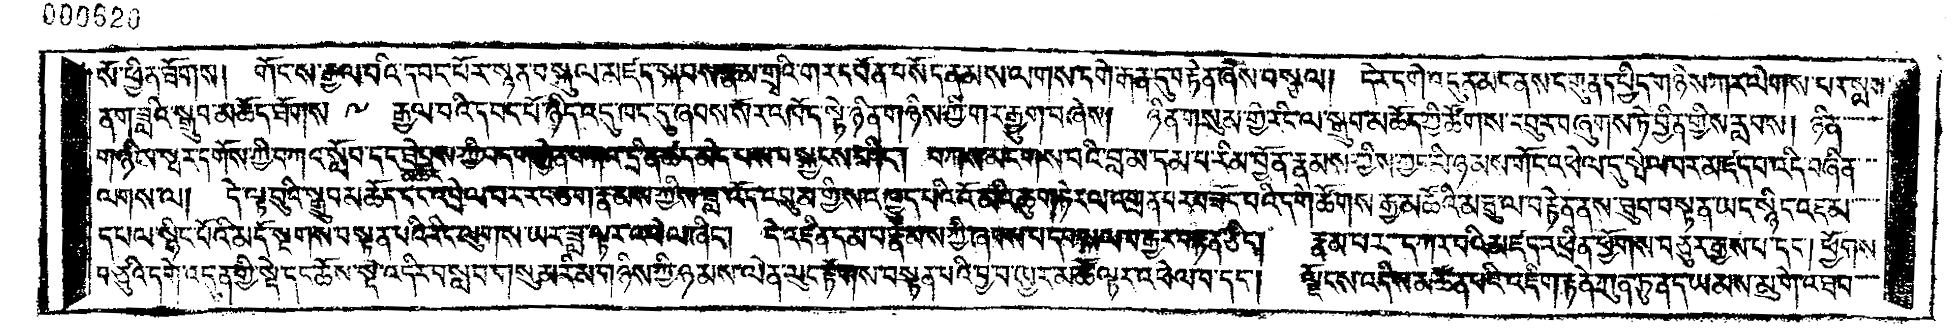སོ་ཕྱིན་ཐོགས། གོང་ས་རྒྱལ་བའི་དབང་པོར་སྙན་བསྐུལ་མཛད་སྐབས་རྣམ་གྲྭའི་གར་དཔོན་བསོད་ནམས་ལགས་དགེ་རྒན་དུ་བརྟེན་ཞེས་བསྩལ། དེར་དགེ་འདུན་མང་ནས་དགུན་དཔྱིད་གཉིས་ཀར་ལེགས་པར་སླབ།
ནག་ཟླའི་སྒྲུབ་མཆོད་ཐོགས་༧རྒྱལ་བའི་དབང་པོ་ཉིད་འདུ་ཁང་དུ་ཞབས་སོར་འཁོད་སྟེ་ཉིན་གཉིས་ཀྱི་གར་རྒྱུག་བཞེས། ཉིན་གསུམ་གྱི་རིང་ལ་སྒྲུབ་མཆོད་ཀྱི་ཚོགས་དབུར་བཞུགས་ཏེ་བྱིན་གྱིས་རླབས། ཉིན་
གཉིས་སྦར་དགོས་ཀྱི་བཀའ་སློབ་དང་མཆོང་ཐེབས་ཀྱི་བདག་རྐྱེན་བཀའ་དྲིན་ཚད་མེད་པས་བསྐྱངས་ཤིང་། བཀས་མངགས་པའི་བླ་མ་དམ་པ་རིམ་བྱོན་རྣམས་ཀྱིས་ཀྱང་མི་ཉམས་གོང་འཕེལ་དུ་སྤེལ་བར་མཛད་པ་འདི་བཞིན་
ལགས་ལ། དེ་ལྟ་བུའི་སྒྲུབ་མཆོད་དང་འབྲེལ་བར་རང་ཅག་རྣམས་ཀྱིས་ཟླ་འོད་འབུམ་གྱིས་འཁྱུད་པའི་འོ་མའི་ཆུ་གཏེར་ལ་འགྲན་བར་བཟོད་པའི་དགེ་ཚོགས་རྒྱ་མཚོའི་མཐུ་ལ་བརྟེན་ནས་ཐུབ་བསྟན་ཡང་སྙིང་འཇམ་
དཔལ་སྙིང་པོའི་མདོ་སྔགས་བསྟན་པའི་རིང་ལུགས་ཡར་ཟླ་ལྟར་འཕེལ་ཞིང་། དེ་འཛིན་དམ་པ་རྣམས་ཀྱི་ཞབས་པད་བསྐལ་བརྒྱར་བརྟན་ཅིང་། རྣམ་པར་དཀར་བའི་མཛད་འཕྲིན་ཕྱོགས་བཅུར་རྒྱས་པ་དང་། ཕྱོགས་
བཅུའི་དགེ་འདུན་གྱི་སྡེ་དང་ཆོས་སྡེ་འདིར་བསླབ་གསུམ་རིམ་གཉིས་ཀྱི་ཉམས་ལེན་ལུང་རྟོགས་བསྟན་པའི་བྱ་བ་དབྱར་མཚོ་ལྟར་འཕེལ་བ་དང་། ལྗོངས་འདིས་མཚོན་པའི་འཇིག་རྟེན་ཀུན་ཏུ་ནད་ཡམས་མུ་གེ་འཐབ་